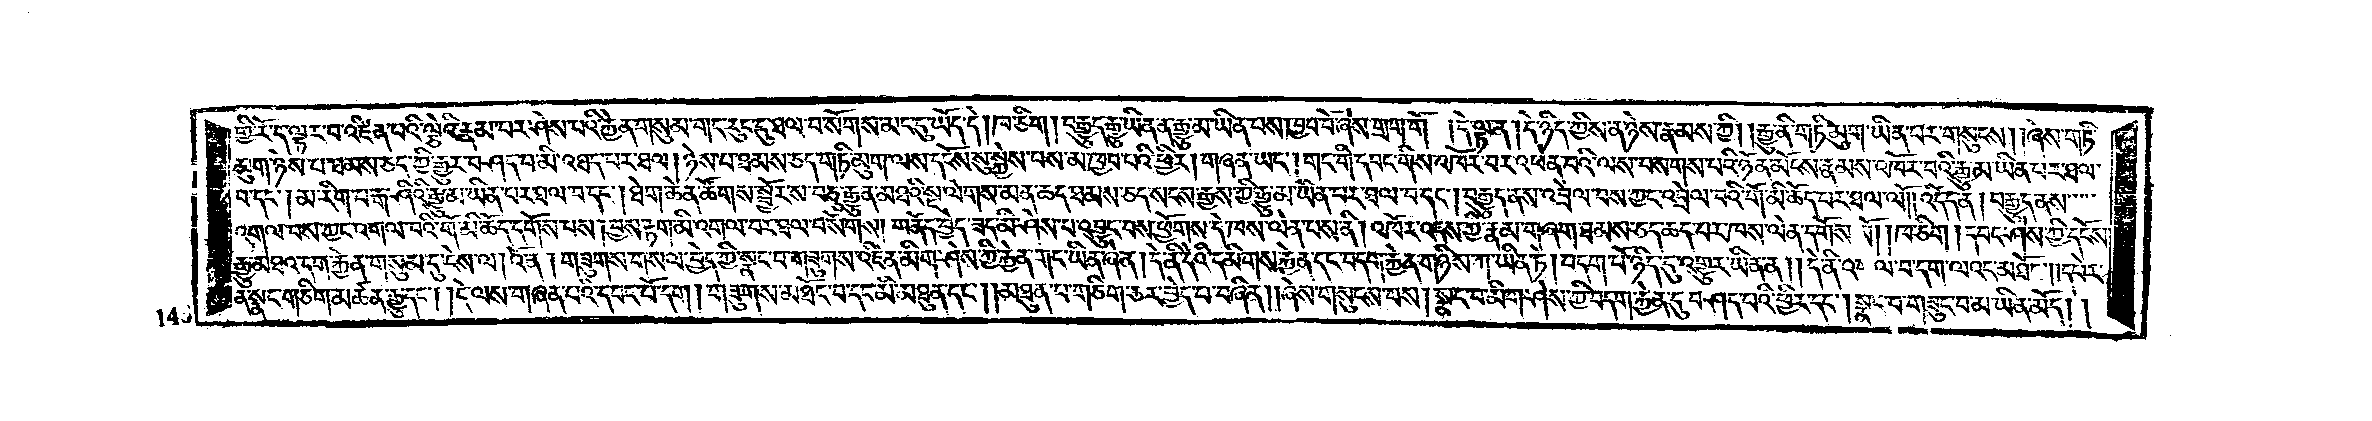གྱི་རོ་ད་ལྟར་བ་འཛིན་པའི་ལྕེའི་རྣམ་པར་ཤེས་པའི་རྐྱེན་གསུམ་གང་རུང་དུ་ཐལ་བ་སོགས་མང་དུ་ཡོད་དེ། ཁ་ཅིག །བརྒྱུད་རྒྱུ་ཡིན་ན་རྒྱུ་མ་ཡིན་པས་ཁྱབ་བོ་ཞེས་གྲག་གོ །དེ་ལྟ་ན། དེ་ཉིད་ཀྱིས་ན་ཉེས་རྣམས་ཀྱི། །རྒྱུ་ནི་གཏི་མུག་ཡིན་པར་གསུངས། །ཞེས་གཏི་
མུག་ཉེས་པ་ཐམས་ཅད་ཀྱི་རྒྱུར་བཤད་པ་མི་འཐད་པར་ཐལ། ཉེས་པ་ཐམས་ཅད་གཏི་མུག་ལས་དངོས་སུ་སྐྱེས་པས་མ་ཁྱབ་པའི་ཕྱིར། གཞན་ཡང་། གང་གི་དབང་གིས་འཁོར་བར་འཕེན་པའི་ལས་བསགས་པའི་ཉོན་མོངས་རྣམས་འཁོར་བའི་རྒྱུ་མ་ཡིན་པར་ཐལ་
བ་དང་། མ་རིག་པ་རྒ་ཤིའི་རྒྱུ་མ་ཡིན་པར་ཐལ་བ་དང་། ཐེག་ཆེན་ཚོགས་སྦྱོར་ས་བཅུ་རྒྱུན་མཐའི་སྔ་ལེགས་མན་ཆད་ཐམས་ཅད་སངས་རྒྱས་ཀྱི་རྒྱུ་མ་ཡིན་པར་ཐལ་བ་དང་། བརྒྱུད་ནས་འབྲེལ་བས་ཀྱང་འབྲེལ་བའི་གོ་མི་ཆོད་པར་ཐལ་ལོ། །འདོད་ན། བརྒྱུད་ནས་
འགལ་བས་ཀྱང་འགལ་བའི་གོ་མི་ཆོད་དགོས་པས། བྱས་རྟག་མི་འགལ་བར་ཐལ་བ་སོགས། གནོད་བྱེད་ཟད་མི་ཤེས་པ་འབྱུང་བས་ཕྱོགས་དེ་ཁས་ལེན་པས་ནི། འཁོར་འདས་ཀྱི་རྣམ་གཞག་ཐམས་ཅད་ཆད་པར་ཁས་ལེན་དགོས་སོ། །ཁ་ཅིག །དབང་ཤེས་ཀྱི་དངོས་
རྒྱུ་མཐའ་དག་རྐྱེན་གསུམ་དུ་ངེས་ལ། འོ་ན། གཟུགས་གསལ་བྱེད་ཀྱི་སྣང་བ་གཟུགས་འཛིན་མིག་ཤེས་ཀྱི་རྐྱེན་གང་ཡིན་ཞེ་ན། དེ་ནི་དེའི་དམིགས་རྐྱེན་དང་བདག་རྐྱེན་གཉིས་ཀ་ཡིན་ཏེ། བདག་པོ་ཉིད་དུ་འགྱུར་ཡིན་ན། །དེ་ནི་འགལ་བ་དག་ལའང་མཐོང་། །དཔེར་
ན་སྣང་གཅིག་མཚན་རྒྱུ་དང་། །དེ་ལས་གཞན་པའི་དབང་པོ་དག །གཟུགས་མཐོང་བ་དང་མི་མཐུན་དང་། །མཐུན་པ་གཅིག་ཅར་བྱེད་པ་བཞིན། །ཞེས་གསུངས་པས། སྣང་བ་མིག་ཤེས་ཀྱི་བདག་རྐྱེན་དུ་བཤད་པའི་ཕྱིར་དང་། སྣང་བ་གཟུང་བ་མ་ཡིན་མོད། །